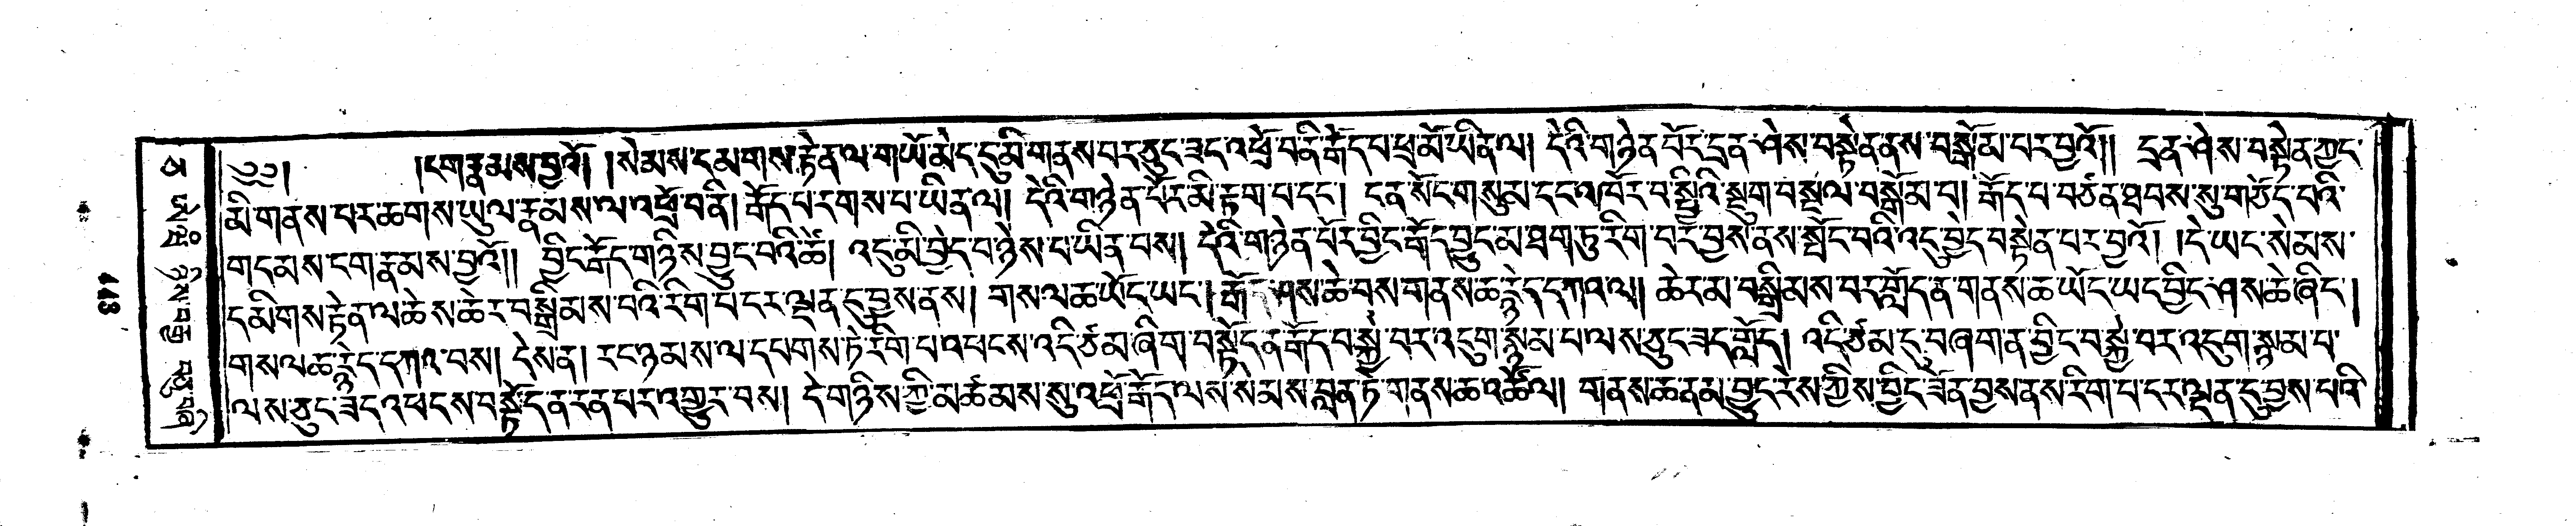༄༅། །ངག་རྣམས་བྱའོ། །སེམས་དམིགས་རྟེན་ལ་གཡོ་མེད་དུ་མི་གནས་པར་ཅུང་ཟད་འཕྲོ་བ་ནི་རྒོད་པ་ཕྲ་མོ་ཡིན་ལ། དེའི་གཉེན་པོར་དྲན་ཤེས་བསྟེན་ནས་བསྒོམ་པར་བྱའོ། །དྲན་ཤེས་བསྟེན་ཀྱང་
མི་གནས་པར་ཆགས་ཡུལ་རྣམས་ལ་འཕྲོ་བ་ནི། རྒོད་པ་རགས་པ་ཡིན་ལ། དེའི་གཉེན་པོར་མི་རྟག་པ་དང་། ངན་སོང་གསུམ་དང་འཁོར་བ་སྤྱིའི་སྡུག་བསྔལ་བསྒོམ་པ། རྒོད་པ་བཙན་ཐབས་སུ་གཅོད་པའི་
གདམས་ངག་རྣམས་བྱའོ། །བྱིང་རྒོད་གཉིས་བྱུང་བའི་ཚེ། འདུ་མི་བྱེད་པ་ཉེས་པ་ཡིན་པས། དེའི་གཉེན་པོར་བྱིང་རྒོད་བྱུང་མ་ཐག་ཏུ་རིག་པར་བྱས་ནས་སྤོང་བའི་འདུ་བྱེད་བསྟེན་པར་བྱའོ། །དེ་ཡང་སེམས་
དམིགས་རྟེན་ལ་ཆེས་ཆེར་བསྒྲིམས་པའི་རིག་པ་ངར་ལྡན་དུ་བྱས་ནས། གསལ་ཆ་ཡོང་ཡང་། རྒོད་ཤས་ཆེ་བས་གནས་ཆ་རྙེད་དཀའ་ལ། ཆེར་མ་བསྒྲིམས་བར་གློད་ན་གནས་ཆ་ཡོང་ཡང་བྱིང་ཤས་ཆེ་ཞིང་།
གསལ་ཆ་རྙེད་དཀའ་བས། དེས་ན། རང་ཉམས་ལ་དཔགས་ཏེ་རིག་པ་འཕངས་འདི་ཙམ་ཞིག་བསྟོད་ན་རྒོད་པ་སྐྱེ་བར་འདུག་སྙམ་པ་ལས་ཅུང་ཟད་གློད། འདི་ཙམ་དུ་བཞག་ན་བྱིང་བ་སྐྱེ་བར་འདུག་སྙམ་པ་
ལས་ཅུང་ཟད་འཕངས་བསྟོད་ན་རན་པར་འགྱུར་བས། དེ་གཉིས་ཀྱི་མཚམས་སུ་འཕྲོ་རྒོད་ལས་སེམས་བླན་ཏེ་གནས་ཆ་འཚོལ། གནས་ཆ་ནམ་བྱུང་རེས་ཀྱིས་བྱིང་ཟོན་བྱས་ནས་རིག་པ་ངར་ལྡན་དུ་བྱས་པའི་